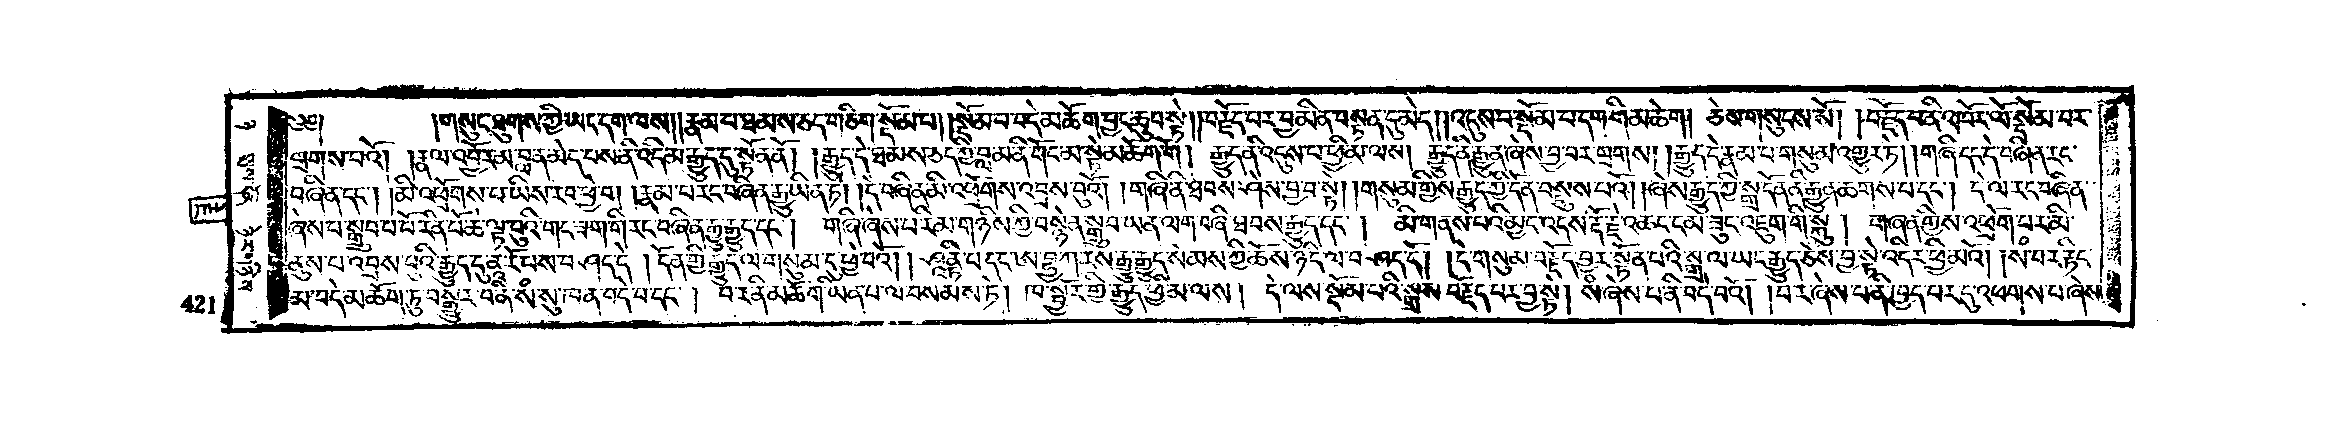༄༅། །གསུང་ཐུགས་ཀྱི་ཡང་དག་ལས། །རྣམ་པ་ཐམས་ཅད་གཅིག་སྡོམ་པ། །སྡོམ་པ་བདེ་མཆོག་བྱང་ཆུབ་སྟེ། །བརྗོད་པར་བྱ་མིན་བསྟན་དུ་མེད། །འདུས་པ་སྡོམ་པ་དག་གི་མཆོག །ཅེས་གསུངས་སོ། །བརྗོད་པ་ནི་འཁོར་ལོ་སྡོམ་པར་
གྲགས་པའོ། །རྣལ་འབྱོར་མ་བླ་ན་མེད་པས་ནི་འདི་མ་རྒྱུད་དུ་སྟོན་ནོ། །རྒྱུད་དེ་ཐམས་ཅད་ཀྱི་བླ་མ་ནི་གོང་མ་སྟེ་མཆོག་གོ །རྒྱུད་ནི་འདུས་པ་ཕྱི་མ་ལས། རྒྱུད་ནི་རྒྱུན་ཞེས་བྱ་བར་གྲགས། །རྒྱུད་དེ་རྣམ་པ་གསུམ་འགྱུར་ཏེ། །གཞི་དང་དེ་བཞིན་རང་
བཞིན་དང་། །མི་འཕྲོགས་པ་ཡིས་རབ་ཕྱེ་བ། །རྣམ་པ་རང་བཞིན་རྒྱུ་ཡིན་ཏེ། །དེ་བཞིན་མི་འཕྲོགས་འབྲས་བུའོ། །གཞི་ནི་ཐབས་ཤེས་བྱ་བ་སྟེ། །གསུམ་གྱིས་རྒྱུད་ཀྱི་དོན་བསྡུས་པའོ། །ཞེས་རྒྱུད་ཀྱི་སྒྲ་དོན་ནི་རྒྱུན་ཆགས་པ་དང་། དེ་ལ་རང་བཞིན་ཞེས་པ་སྒྲུབ་པ་པོ་རིན་པོ་ཆེ་ལྟ་བུའི་གང་ཟག་གི་རང་བཞིན་རྒྱུ་རྒྱུད་དང་། གཞི་ཞེས་པ་རིམ་གཉིས་ཀྱི་བསྙེན་སྒྲུབ་ཡན་ལག་བཞི་ཐབས་རྒྱུད་དང་། མི་གནས་པའི་མྱང་འདས་རྡོ་རྗེ་འཆང་ངམ་ཟུང་འཇུག་གི་སྐུ། གཞན་གྱིས་འཕྲོག་པར་མི་
ནུས་པ་འབྲས་བུའི་རྒྱུད་དུ་ནཱ་རོ་པས་བཤད་དེ། དོན་གྱི་རྒྱུད་ལ་གསུམ་དུ་ཕྱེ་བའོ། །ཤཱནྟི་པ་དང་ཨ་བྷྱ་ཀ་རས་རྒྱུ་རྒྱུད་སེམས་ཀྱི་ཆོས་ཉིད་ལ་བཤད་དོ། །དེ་གསུམ་བརྗོད་བྱར་སྟོན་པའི་སྒྲ་ལ་ཡང་རྒྱུད་ཅེས་བྱ་སྟེ་འདིར་ཕྱི་མའོ། །སཾ་བ་ར་རྟིང་
མ་བདེ་མཆོག་ཏུ་བསྒྱུར་བ་ནི་སཾ་སུ་ཁ་ན་བདེ་བ་དང་། བ་ར་ནི་མཆོག་ཡིན་པ་ལ་བསམས་ཏེ། ཁ་སྦྱོར་གྱི་རྒྱུད་ཕྱི་མ་ལས། དེ་ལས་སྡོམ་པའི་སྒྲས་བརྗོད་པར་བྱ་སྟེ། སཾ་ཞེས་པ་ནི་བདེ་བའོ། །བ་ར་ཞེས་པ་ནི་ཁྱད་པར་དུ་འཕགས་པ་ཞེས་